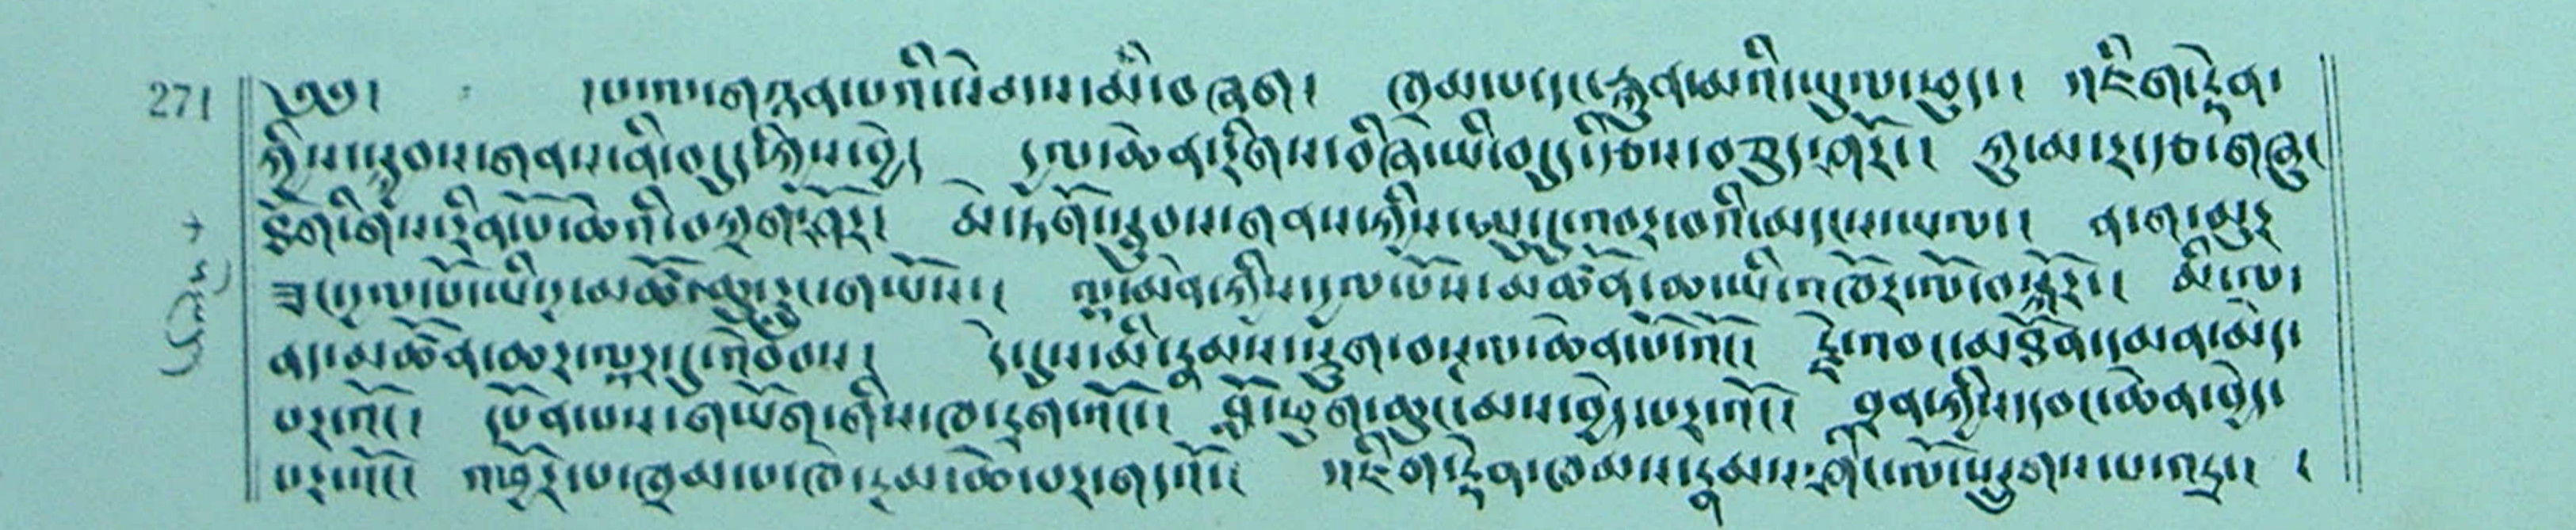༄༅། །པ་ལ་གཉན་པའི་སེམས་མི་གཞག། ཁྲམ་པ་དང་རྐུན་མའི་ཡུལ་ཕུད། འཇིག་རྟེན་
གྱིས་སྐྱབས་གནས་ནི་བདུད་ཀྱིས་བྱེད། རྒྱལ་ཆེན་རིགས་བཞི་ཡི་བདུད་རྩིས་བཅུད་ཤོར། ཀུ་མ་ར་རྩ་གཞུང་
ཐོག་གིས་རིན་པོ་ཆེའི་བཀྲག་ཤོར། མེ་ཏོག་སྦུབས་གནས་ཀྱིས་ཨུ་དུམ་འབར་བའི་མདངས་ཡལ། ན་ག་མུར་
ཟང་རྒྱལ་པོ་ཡི་རྒྱ་མཚོའི་ཆུ་རླུང་གཡོས། ལྷ་མིན་ཀྱིས་རྒྱལ་པོས་མཚོན་ཆའི་འཁོར་ལོ་བསྐོར། མི་ལ་
ནད་མཚོན་ཆར་ལྟར་དུ་འབེབས། དེ་དུས་མི་རྣམས་ལ་སྡུག་བསྔལ་ཆེན་པོ་འོང་། རྗེ་འབངས་མཐོ་དམན་མེད་
པར་འོང་། དཔོན་པས་གཡོག་གིས་ཁ་དྲག་འོང་། བློ་ཕུག་ཆུང་མས་བྱེད་པར་འོང་། བྲན་གྱིས་དབང་ཆེན་བྱེད་
པར་འོང་། འཕྱོར་བ་ཁྲམ་པ་ཁ་རྔམ་ཆེ་བར་གདའ་འོ། །འཇིག་རྟེན་ཁམས་རྣམས་ཤིང་ལོ་སྤྲུགས་པ་འདྲ།